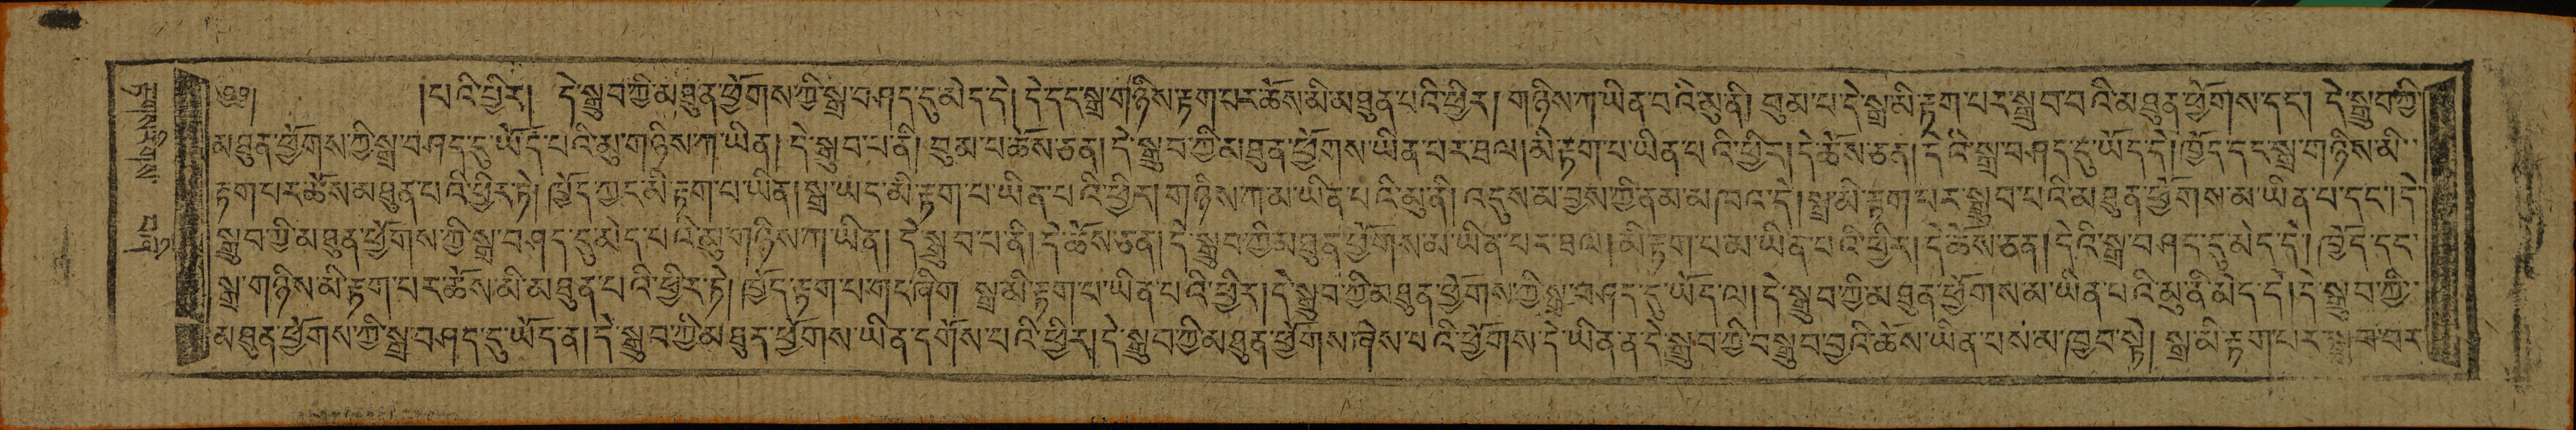༄༅། །པའི་ཕྱིར། དེ་སྒྲུབ་ཀྱི་མཐུན་ཕྱོགས་ཀྱི་སྒྲ་བཤད་དུ་མེད་དེ། དེ་དང་སྒྲ་གཉིས་རྟག་པར་ཆོས་མི་མཐུན་པའི་ཕྱིར། གཉིས་ཀ་ཡིན་པའི་མུ་ནི། བུམ་པ་དེ་སྒྲ་མི་རྟག་པར་སྒྲུབ་པའི་མཐུན་ཕྱོགས་དང་། དེ་སྒྲུབ་ཀྱི་
མཐུན་ཕྱོགས་ཀྱི་སྒྲ་བཤད་དུ་ཡོད་པའི་མུ་གཉིས་ཀ་ཡིན། དེ་སྒྲུབ་པ་ནི། བུམ་པ་ཆོས་ཅན། དེ་སྒྲུབ་ཀྱི་མཐུན་ཕྱོགས་ཡིན་པར་ཐལ། མི་རྟག་པ་ཡིན་པའི་ཕྱིར། དེ་ཆོས་ཅན། དེའི་སྒྲ་བཤད་དུ་ཡོད་དེ། ཁྱོད་དང་སྒྲ་གཉིས་མི་
རྟག་པར་ཆོས་མཐུན་པའི་ཕྱིར་ཏེ། ཁྱོད་ཀྱང་མི་རྟག་པ་ཡིན། སྒྲ་ཡང་མི་རྟག་པ་ཡིན་པའི་ཕྱིར། གཉིས་ཀ་མ་ཡིན་པའི་མུ་ནི། འདུས་མ་བྱས་ཀྱི་ནམ་མཁའ་དེ། སྒྲ་མི་རྟག་པར་སྒྲུབ་པའི་མཐུན་ཕྱོགས་མ་ཡིན་པ་དང་། དེ་
སྒྲུབ་ཀྱི་མཐུན་ཕྱོགས་ཀྱི་སྒྲ་བཤད་དུ་མེད་པའི་མུ་གཉིས་ཀ་ཡིན། དེ་སྒྲུབ་པ་ནི། དེ་ཆོས་ཅན། དེ་སྒྲུབ་ཀྱི་མཐུན་ཕྱོགས་མ་ཡིན་པར་ཐལ། མི་རྟག་པ་མ་ཡིན་པའི་ཕྱིར། དེ་ཆོས་ཅན། དེའི་སྒྲ་བཤད་དུ་མེད་དེ། ཁྱོད་དང་
སྒྲ་གཉིས་མི་རྟག་པར་ཆོས་མི་མཐུན་པའི་ཕྱིར་ཏེ། ཁྱོད་རྟག་པ་གང་ཞིག །སྒྲ་མི་རྟག་པ་ཡིན་པའི་ཕྱིར། དེ་སྒྲུབ་ཀྱི་མཐུན་ཕྱོགས་ཀྱི་སྒྲ་བཤད་དུ་ཡོད་ལ། དེ་སྒྲུབ་ཀྱི་མཐུན་ཕྱོགས་མ་ཡིན་པའི་མུ་ནི་མེད་དེ། དེ་སྒྲུབ་ཀྱི་
མཐུན་ཕྱོགས་ཀྱི་སྒྲ་བཤད་དུ་ཡོད་ན། དེ་སྒྲུབ་ཀྱི་མཐུན་ཕྱོགས་ཡིན་དགོས་པའི་ཕྱིར། དེ་སྒྲུབ་ཀྱི་མཐུན་ཕྱོགས་ཞེས་པའི་ཕྱོགས་དེ་ཡིན་ན་དེ་སྒྲུབ་ཀྱི་བསྒྲུབ་བྱའི་ཆོས་ཡིན་པས་མ་ཁྱབ་སྟེ། སྒྲ་མི་རྟག་པར་སྒྲུབ་པར་